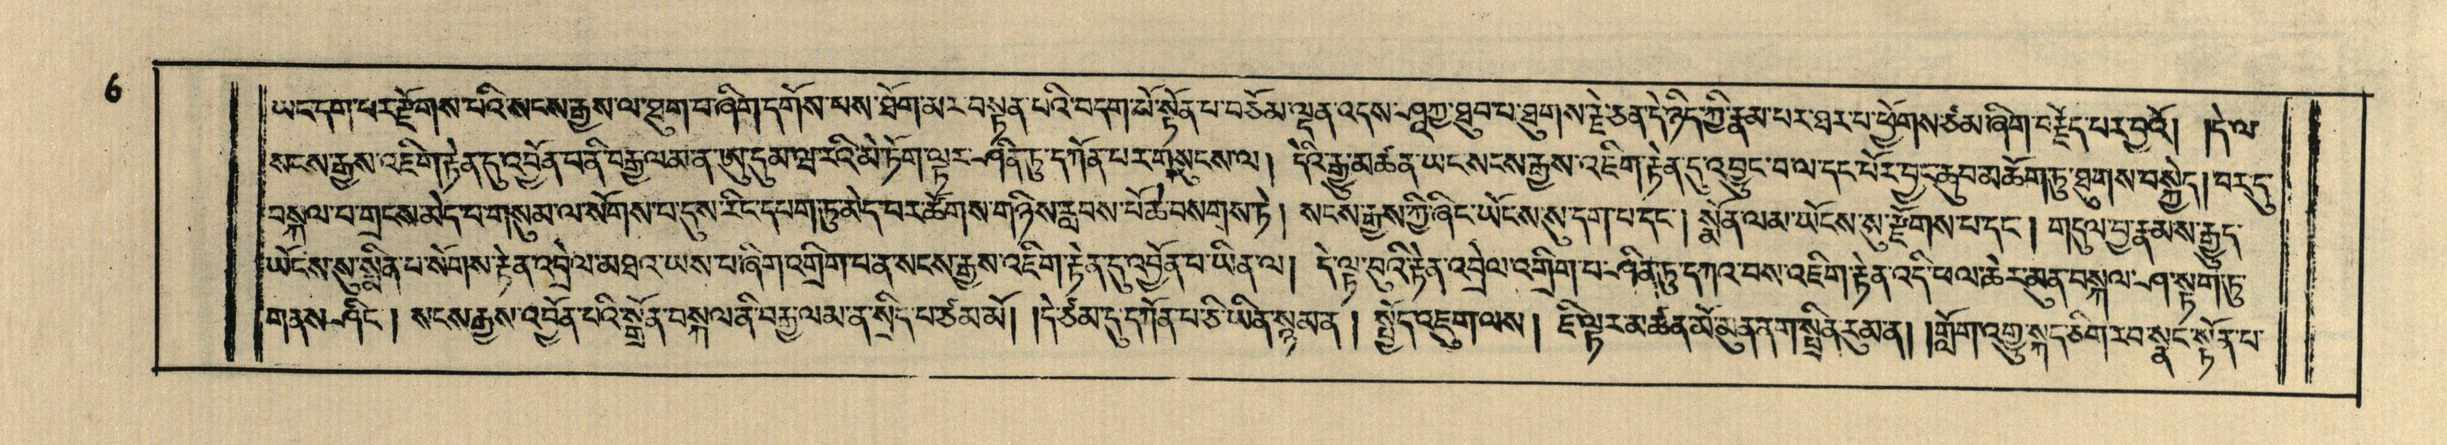ཡང་དག་པར་རྫོགས་པའི་སངས་རྒྱས་ལ་ཐུག་པ་ཞིག་དགོས་པས་ཐོག་མར་བསྟན་པའི་བདག་པོ་སྟོན་པ་བཅོམ་ལྡན་འདས་ཤཱཀྱ་ཐུབ་པ་ཐུགས་རྗེ་ཅན་དེ་ཉིད་ཀྱི་རྣམ་པར་ཐར་པ་ཕྱོགས་ཙམ་ཞིག་བརྗོད་པར་བྱའོ། །དེ་ལ་
སངས་རྒྱས་འཇིག་རྟེན་དུ་འབྱོན་པ་ནི་བརྒྱ་ལམ་ན་ཨུ་དུམ་ཝ་རའི་མེ་ཏོག་ལྟར་ཤིན་ཏུ་དཀོན་པར་གསུངས་ལ། དེའི་རྒྱུ་མཚན་ཡང་སངས་རྒྱས་འཇིག་རྟེན་དུ་འབྱུང་བ་ལ་དང་པོར་བྱང་ཆུབ་མཆོག་ཏུ་ཐུགས་བསྐྱེད། བར་དུ་
བསྐལ་པ་གྲངས་མེད་པ་གསུམ་ལ་སོགས་པ་དུས་རིང་དཔག་ཏུ་མེད་པར་ཚོགས་གཉིས་རླབས་པོ་ཆེ་བསགས་ཏེ། སངས་རྒྱས་ཀྱི་ཞིང་ཡོངས་སུ་དག་པ་དང་། སྨོན་ལམ་ཡོངས་སུ་རྫོགས་པ་དང་། གདུལ་བྱ་རྣམས་རྒྱུད་
ཡོངས་སུ་སྨིན་པ་སོགས་རྟེན་འབྲེལ་མཐའ་ཡས་པ་ཞིག་འགྲིག་པ་ན་སངས་རྒྱས་འཇིག་རྟེན་དུ་འབྱོན་པ་ཡིན་ལ། དེ་ལྟ་བུའི་རྟེན་འགྲེལ་འགྲིག་པ་ཤིན་ཏུ་དཀའ་བས་འཇིག་རྟེན་འདི་ཕལ་ཆེར་མུན་བསྐལ་ཤ་སྟག་ཏུ་
གནས་ཤིང་། སངས་རྒྱས་འབྱོན་པའི་སྒྲོན་བསྐལ་ནི་བརྒྱ་ལམ་ན་སྲིད་པ་ཙམ་མོ། །དེ་ཙམ་དུ་དཀོན་པ་ཅི་ཡིན་སྙམ་ན། སྤྱོད་འཇུག་ལས། ཇི་ལྟར་མཚན་མོ་མུན་ནག་སྤྲིན་རུམ་ན། །གློག་འགྱུ་སྐད་ཅིག་རབ་སྣང་སྟོན་པ་